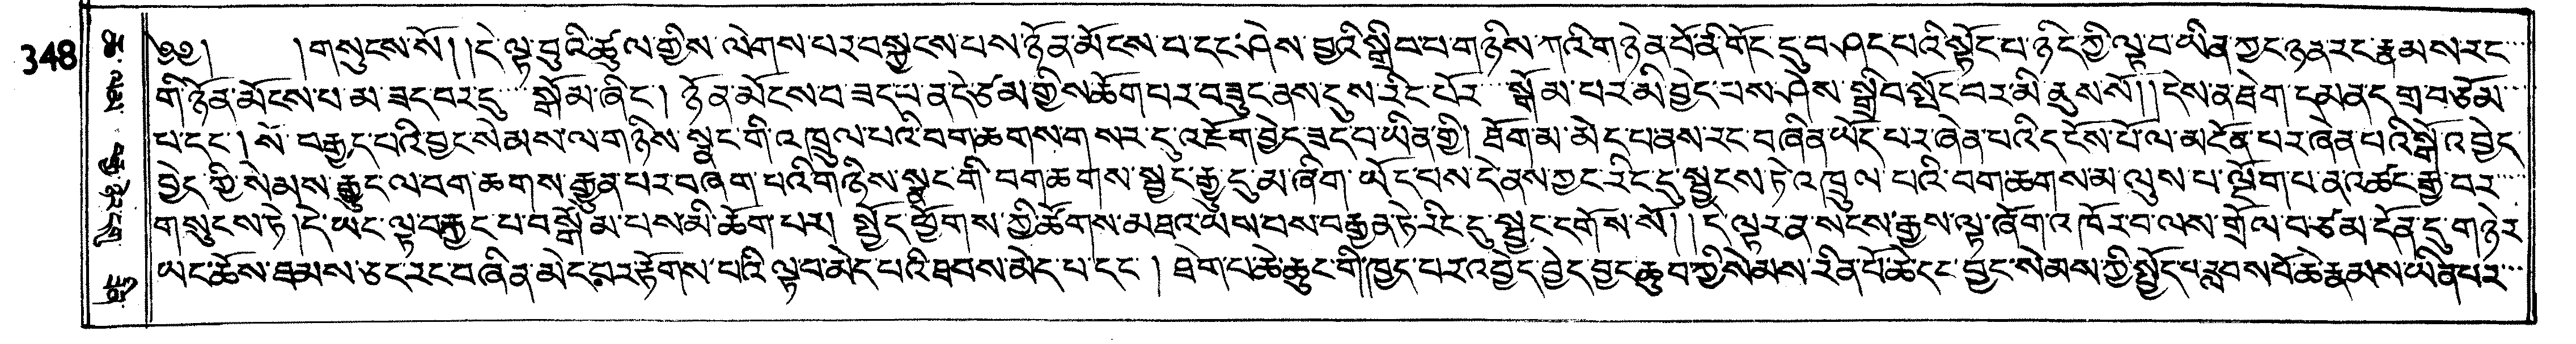༄༅། །གསུངས་སོ། །དེ་ལྟ་བུའི་ཚུལ་གྱིས་ལེགས་པར་བསྐྱངས་པས་ཉོན་མོངས་པ་དང་ཤེས་བྱའི་སྒྲིབ་པ་གཉིས་ཀའི་གཉེན་པོ་ནི་གོང་དུ་བཤད་པའི་སྟོང་པ་ཉིད་ཀྱི་ལྟ་བ་ཡིན་ཀྱང་ཉན་རང་རྣམས་རང་
གི་ཉོན་མོངས་པ་མ་ཟད་བར་དུ་སྒོམ་ཞིང་། ཉོན་མོངས་པ་ཟད་པ་ན་དེ་ཙམ་གྱིས་ཆོག་པར་བཟུང་ནས་དུས་རིང་པོར་སྒོམ་པར་མི་བྱེད་པས་ཤེས་སྒྲིབ་སྤོང་བར་མི་ནུས་སོ། །དེས་ན་ཐེག་དམན་དགྲ་བཅོམ་
པ་དང་། སོ་བརྒྱད་པའི་བྱང་སེམས་ལ་གཉིས་སྣང་གི་འཁྲུལ་པའི་བག་ཆགས་གསར་དུ་འཇོག་བྱེད་ཟད་པ་ཡིན་གྱི། ཐོག་མ་མེད་པ་ནས་རང་བཞིན་ཡོད་པར་ཞེན་པའི་དངོས་པོ་ལ་མངོན་པར་ཞེན་པའི་སྒོ་འབྱེད་
བྱེད་ཀྱི་སེམས་རྒྱུད་ལ་བག་ཆགས་རྒྱུན་པར་བཞག་པའི་གཉིས་སྣང་གི་བག་ཆགས་སྦྱང་རྒྱུ་དུ་མ་ཞིག་ཡོད་པས་དེ་ནས་ཀྱང་རིང་དུ་སྦྱངས་ཏེ་འཁྲུལ་པའི་བག་ཆགས་མ་ལུས་པ་ལྡོག་པ་ན་འཚང་རྒྱ་བར་
གསུངས་ཏེ། དེ་ཡང་ལྟ་བརྐྱང་པ་བསྒོམ་པས་མི་ཆོག་པར། སྤྱོད་ཕྱོགས་ཀྱི་ཚོགས་མཐའ་ཡས་པས་བརྒྱན་ཏེ་རིང་དུ་སྦྱང་དགོས་སོ། །དེ་ལྟར་ན་སངས་རྒྱས་ལྟ་ཞོག་འཁོར་བ་ལས་གྲོལ་བ་ཙམ་དོན་དུ་གཉེར་
ཡང་ཆོས་ཐམས་ཅད་རང་བཞིན་མེད་པར་རྟོགས་པའི་ལྟ་བ་མེད་པའི་ཐབས་མེད་པ་དང་། ཐེག་པ་ཆེ་ཆུང་གི་ཁྱད་པར་འབྱེད་བྱེད་བྱང་ཆུབ་ཀྱི་སེམས་རིན་པོ་ཆེ་དང་བྱང་སེམས་ཀྱི་སྤྱོད་པ་རླབས་པོ་ཆེ་རྣམས་ཡིན་པར་